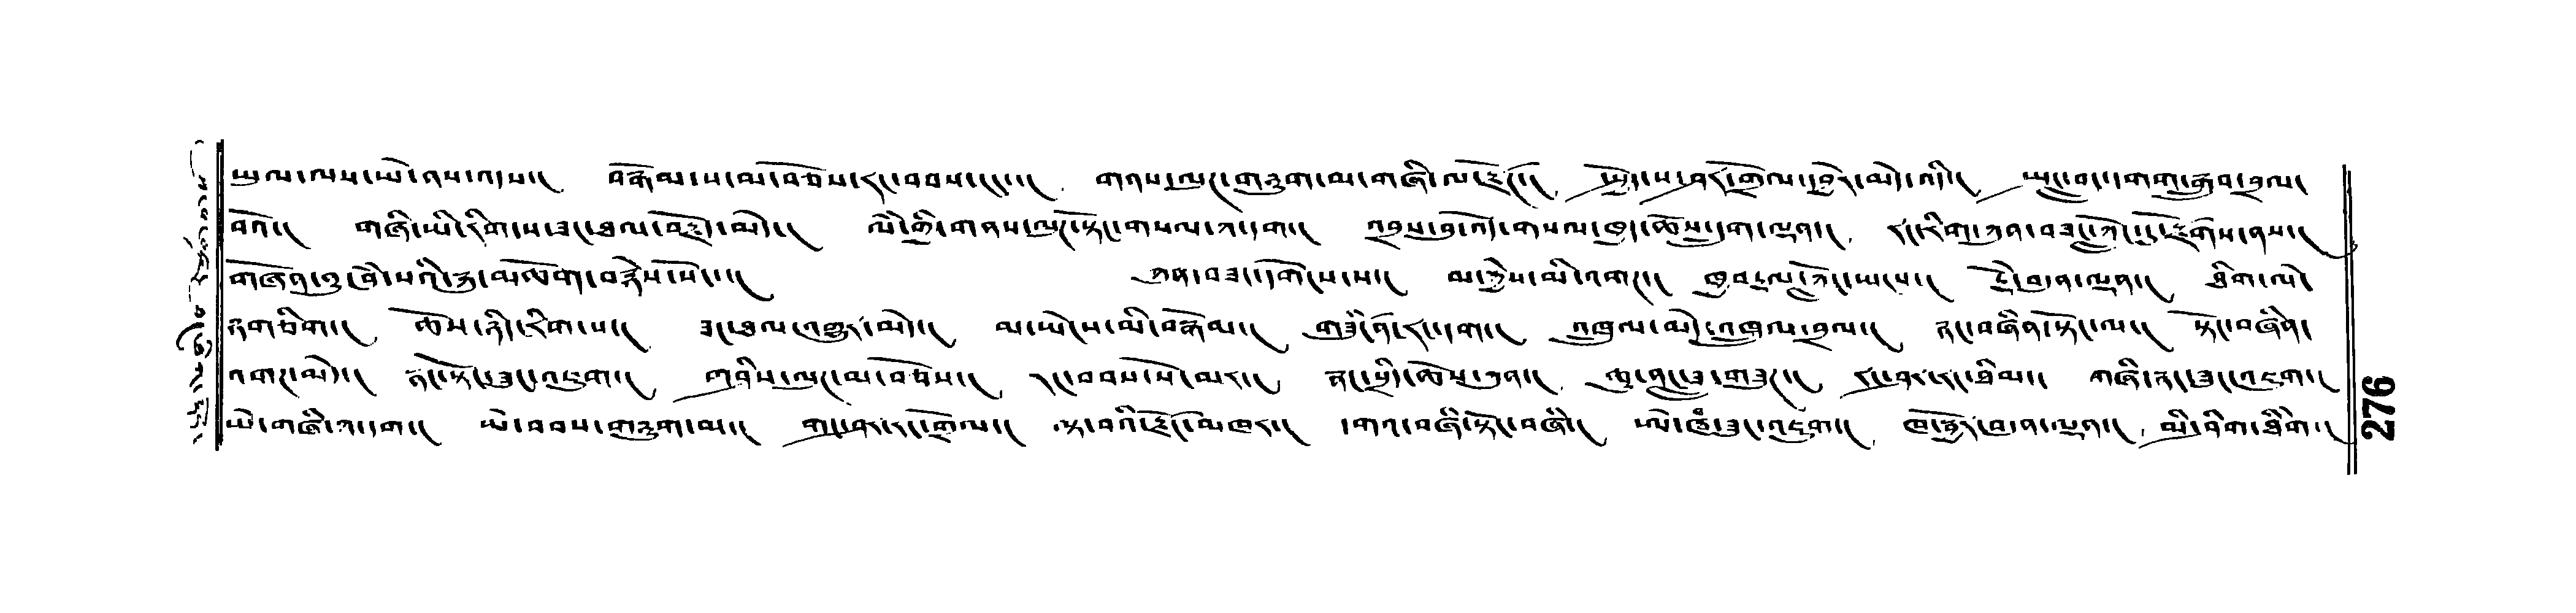ཡུལ་ལས་ཡེ་ནས་འདས། །བསྒོམ་པ་མ་བཅོས་རང་བབས་ངང་། །གནས་ལུགས་གཉུག་མ་གཞི་ལ་རྫོགས། །སྤྱོད་པ་ཤར་གྲོལ་དབྱེར་མེད་འདི། །སྤང་བླང་དགག་སྒྲུབ་བྲལ་
བའོ། །གཞི་ཡི་རིག་པ་ཟང་ཐལ་བརྗོད་མེད། །ལམ་གྱི་གནས་ལུགས་སྟོང་གསལ་ཀ་དག །འབྲས་བུ་འོད་གསལ་ཁྱད་ཆོས་དྲུག་ལྡན། །རང་རིག་ཀུན་བཟང་ཀློང་དུ་རྫོགས་ནས། །
གཞོན་ནུ་བུམ་པའི་སྐུ་མཆོག་བརྙེས་སོང་།། ཀུན་བཟང་དགོངས་པ། །མ་སྐྱེས་མི་འགགས། ཁྱབ་བརྡལ་ཀློང་ཡངས། །རྡོ་རྗེ་བདུན་ལྡན། །ཐིག་ལེ་
ཉག་གཅིག །ཆོས་ཉིད་རིག་པ། །ཟང་ཐལ་འགྱུར་མེད། །མ་ཡེངས་མི་བསྒོམ། །གཟུང་འཛིན་རང་དག །འཁྲུལ་མེད་འཁྲུལ་བྲལ། །སྣང་བཞིན་སྟོང་ལ། །སྟོང་བཞིན་
འགགས་མེད། །སྣང་སྟོང་ཟུང་འཇུག །གཤིས་ལུགས་མ་བཅོས། །རང་བབས་སོ་མར། །སྣང་སྲིད་ཆོས་ཀུན། །ཆུ་ནང་ཟླ་གཟུགས། །རང་ཤར་རང་ཐིམ། །གཞི་སྣང་ཟུང་འཇུག །
ཡེ་གཞི་ཀ་དག །ཡེ་བབས་གཉུག་མ། །གང་ཤར་རང་གྲོལ། །ལྟ་བའི་རྫོང་མཁར། །དགའ་བཞི་སྟོང་བཞི། །ཨེ་ཝཾ་ཟུང་འཇུག ཁ་སྦྱོར་བདུན་ལྡན། །མི་ཤིགས་ཐིག་ལེ།